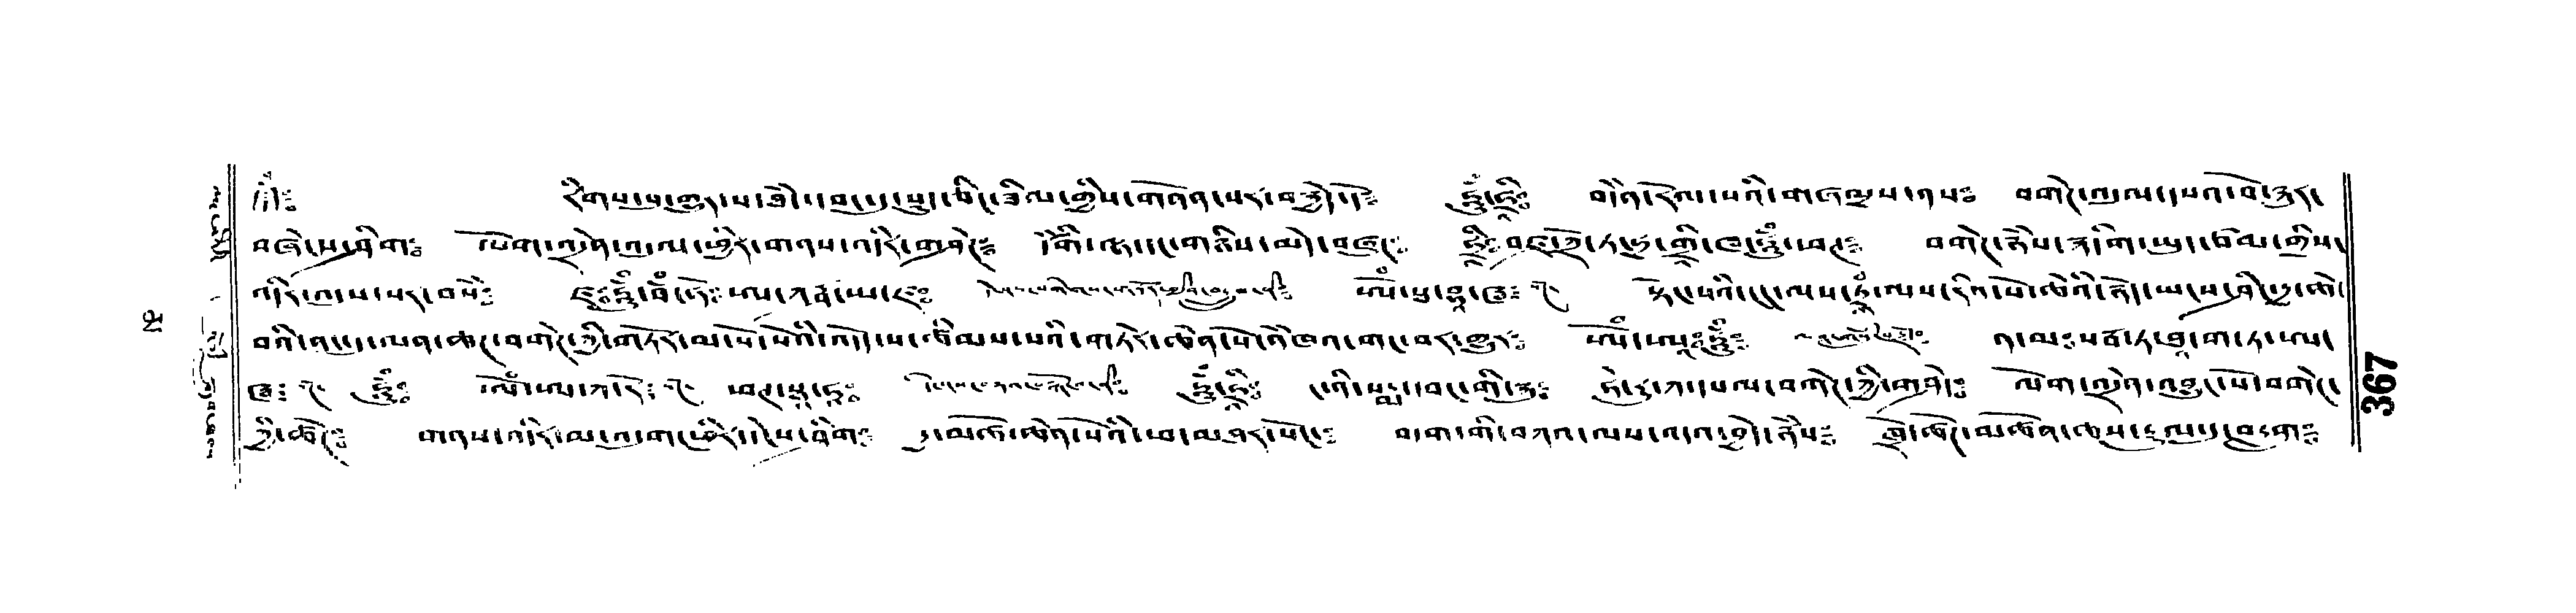རིགས་སུ་གྱུར་པ་ཐམས་ཅད་དབང་དུ་སྡུད་ཅིང་ཟིལ་གྱིས་གནོན་པར་བསྐྱེད་དོ༔ ཧཱུྃ་ཧྲཱིཿ བདེ་ཆེན་རོལ་པའི་གཞལ་ཡས་ནས༔ བགེགས་འདུལ་དཔའ་བོ་སྐུར་
བཞེངས་ཤིག༔ ལོག་འདྲེན་འདུལ་ཕྱིར་གནས་འདིར་གཤེགས༔ དམ་ཚིག་ལྷ་དང་གཉིས་མེད་བཞུགས༔ ཧྲཱིཿབཛྲ་ཀྲོ་ཏ་ཧྱ་གྲཱི་ཝ་ཧཱུྃ་ཕཊཿ བགེགས་རྣམས་སྐད་ཅིག་ཡུད་ཙམ་གྱིས་
འདིར་འདུས་པར་བསམ༔ ཛཿཧཱུྃ་བྃ་ཧོཿཨ་ཀརྴ་ཡ་ཛཿ དེ་ནས་བགེགས་གཏོར་བྱིན་བརླབ་ནི༔ ཨོཾ་སྭ་བྷཱ་ཝ་སོགསཿ སྟོང་པའི་ངང་ལས་ཏྲཱཾ་ལས་རིན་པོ་ཆེའི་སྣོད་ཡངས་ཤིང་རྒྱ་ཆེ་
བའི་ནང་དུ་ལན་ཆགས་བགེགས་ཀྱི་གཏོར་མ་སོ་སོའི་འདོད་པ་ཚིམས་པའི་གཏེར་ཆེན་པོ་ནམ་མཁའ་གང་བར་གྱུར༔ ཨོཾ་ཨཱཿཧཱུྃ༔ ལན་གསུམ་བརྗོད༔ ན་མཿསརྦ་ཏ་ཐཱ་ག་ཏ་ཨ་
ཝ་སོགས༔ ཧཱུྃ༔ ཨོཾ་ཨ་ཀ་རོ་སོགས༔ ཕཊསྭཱ་ཧཱཿ དེ་ནས་བཀའ་བསྒོ་བ་ནི༔ ཧཱུྃ་ཧྲཱིཿ ང་ནི་པདྨ་དབང་གི་སྐུ༔ ཧེ་རུ་ཀ་དཔལ་བགེགས་ཀྱི་གཤེད༔ ལོག་འདྲེན་འབྱུང་པོ་བགེགས་
ཀྱི་ཚོགས༔ གནས་འདིར་མ་འདུག་ཕྱིར་དེངས་ཤིག༔ རྒྱ་མཚོ་ཆེན་པོའི་ཕ་མཐར་སོང༔ བདག་གི་བཀའ་ལས་འདའ་བྱེད་རྣམས༔ ཁྲོ་ཚོགས་མཚོན་ཆས་རྡུལ་དུ་བརླག༔